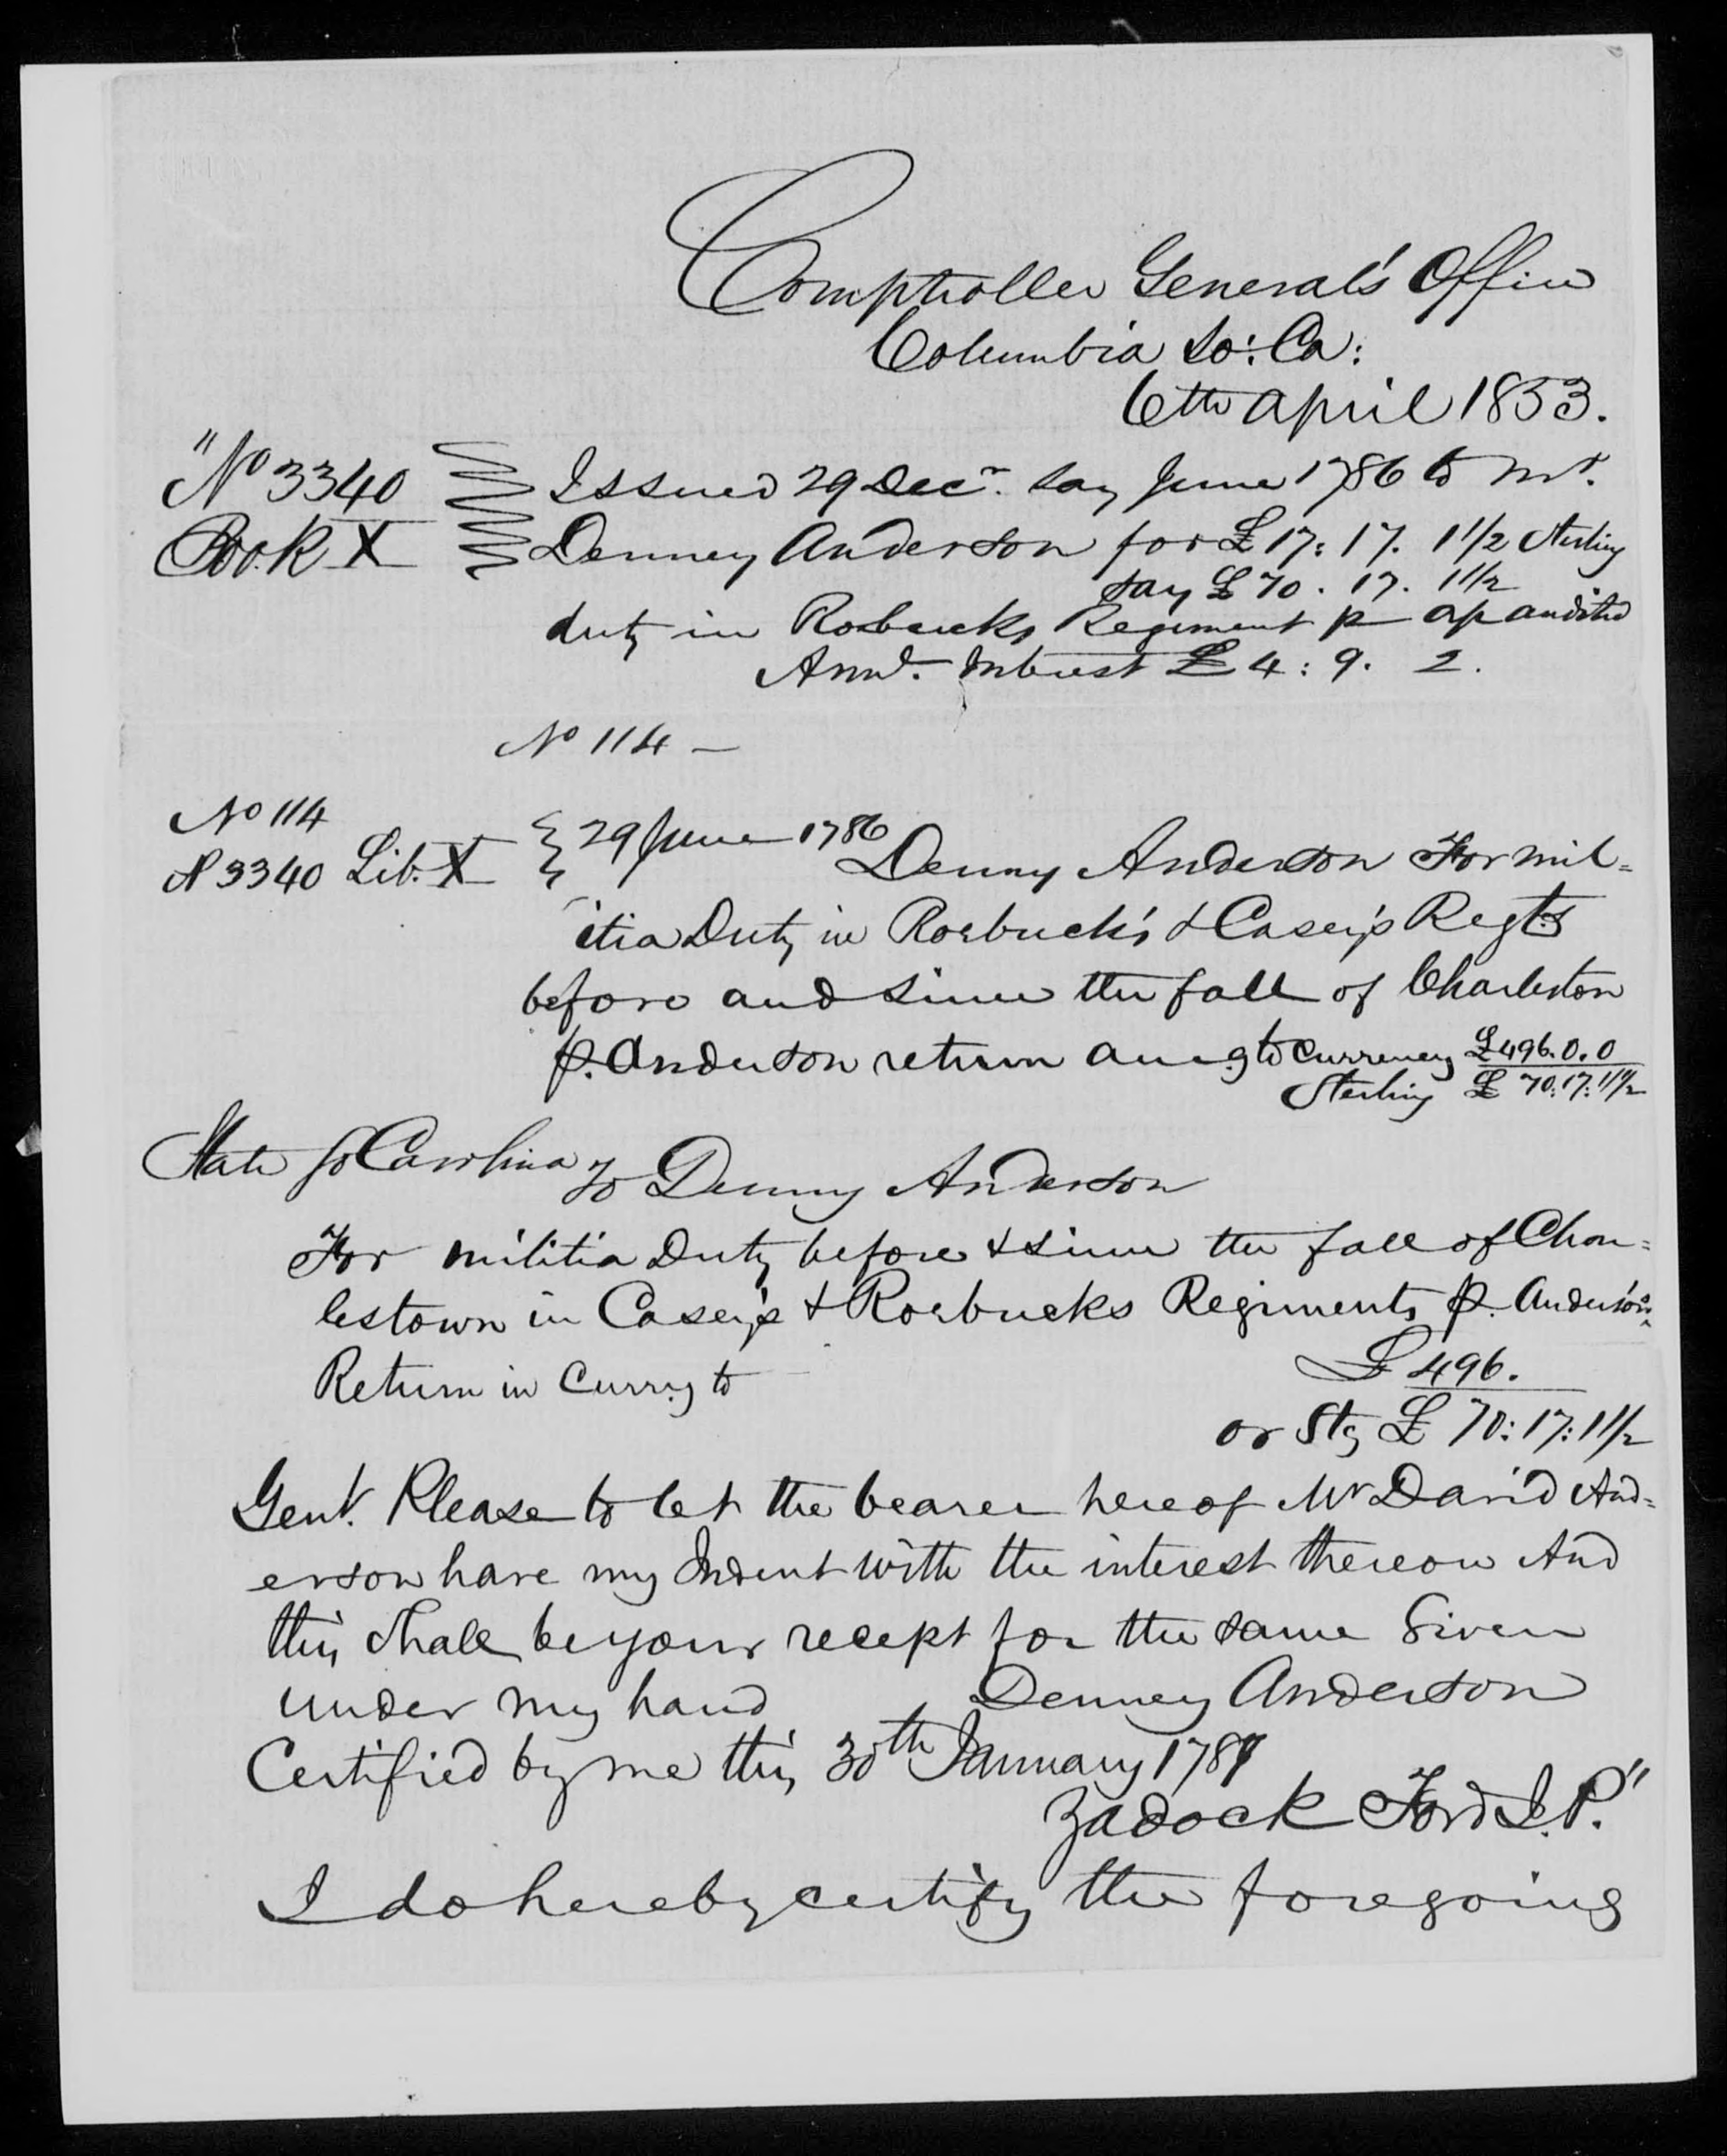Comptroller General's Office
Columbia So. Ca.
6th April 1853.

" No 3340
Book X
Issued 29 Decr. say June 1786 to Mr. Denney Anderson 
for L 17.17.1 ½ sterling
say L 70.17.1 ½
duty in Roebucks Regiment p ap audited
Annl. Interest L 4.9.2

No 114.
No 114
& 3340 Lib X
29 June 1786 Denny Anderson For militia Duty in Roebuck's & Casey's Regts. before and since the fall of Charleston P. Anderson return [illegible] to currency L 496.0.0
Sterling L 70.17.1 ½

State So Carolina To Denny Anderson
For militia duty before & since the fall of Charlestown in Casey's & Roebucks Regiments P. Anderson's Return in Curry to L 496.
or Stg L 70.17.1 ½

Gent. Please to let the bearer hereof Mr David Anderson have my Indent with the interest thereon and this shall be your recept for the same given under my hand
Denney Anderson
Certified by me this 30th January 1789
Zadock Ford J.P."

I do hereby certify the foregoing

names: Denny Anderson, Denney Anderson, Denney Anderson, Denny Anderson, David Anderson, Zadock Ford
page: 28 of 51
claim: widow's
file: W. 9700, Denney Anderson, S.C.